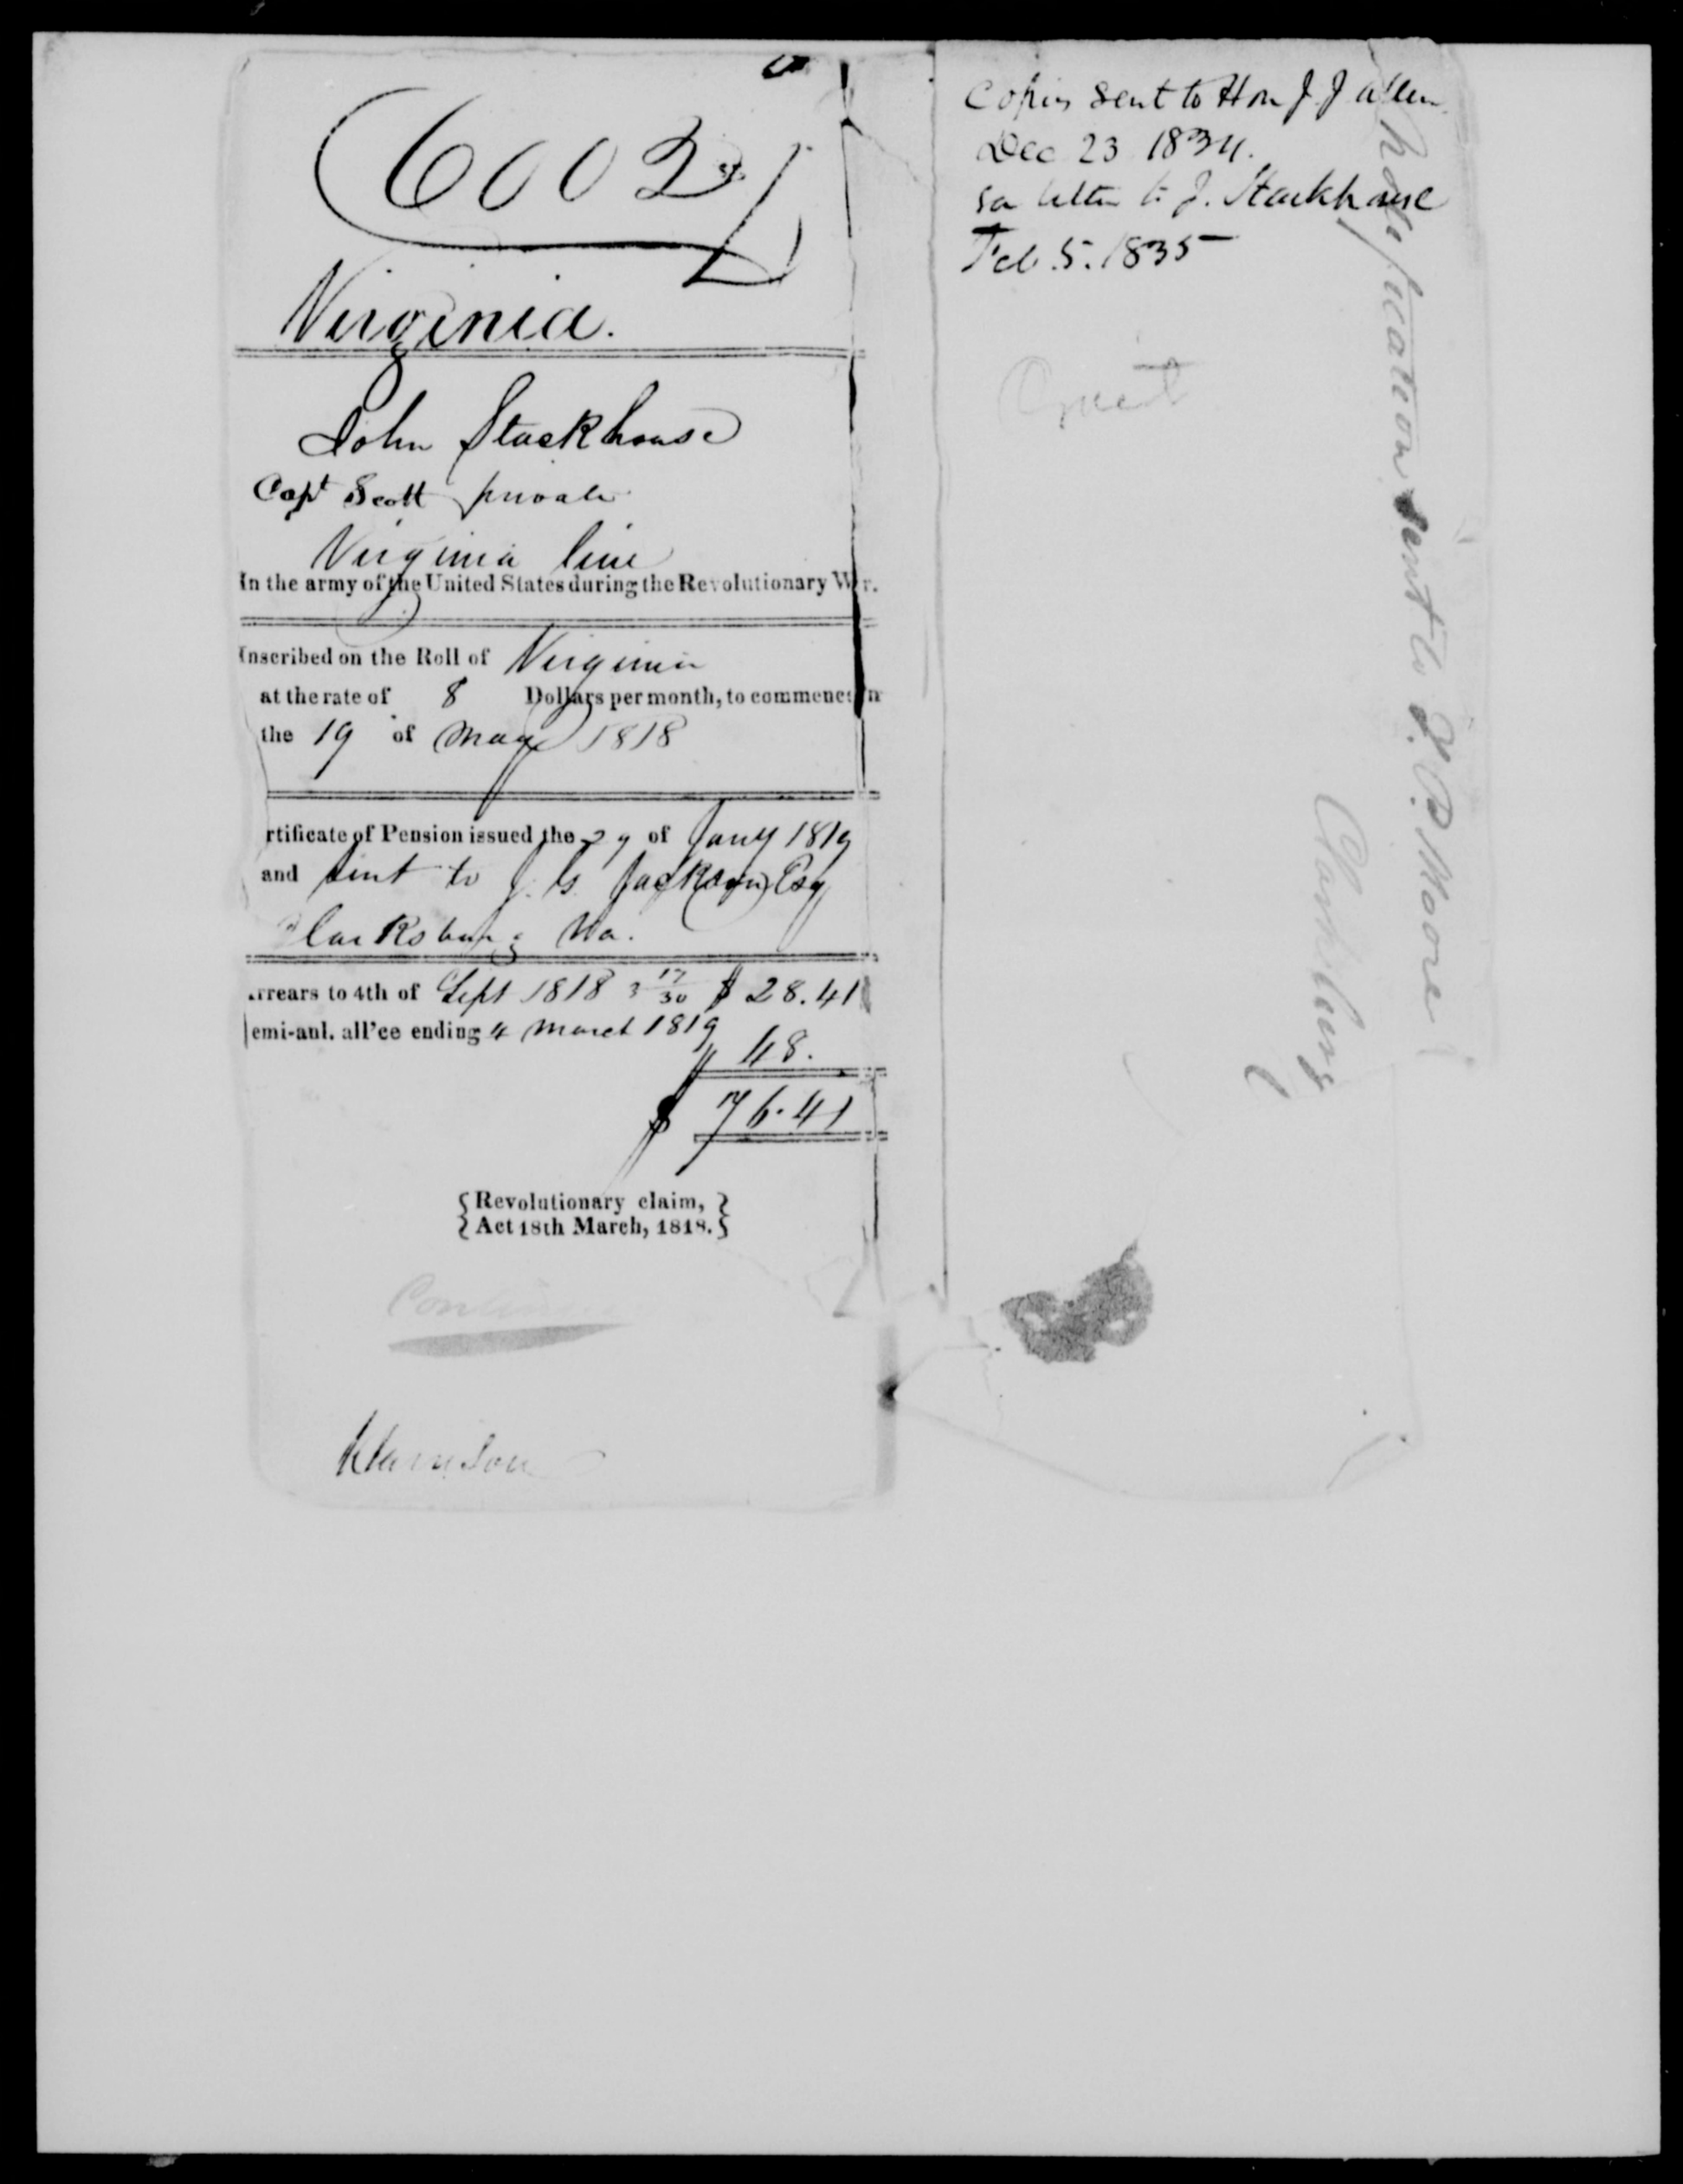6002
Virginia.
John Stackhouse
Capt. Scott private
Virginia line
In the army of the United States during the Revolutionary War.
Inscribed on the Roll of Virginia
at the rate of 8 Dollars per month, to commence on the 19 of May 1818
Certificate of Pension issued the 29 of Jany 1819 and sent to J. G. Jackson Esq
Clarksburg Va.
Arrears to 4th of Sept 1818 3 17/30 $28.41
Semi-anl. all'ce ending 4 March 1819 48.
$76.41
Revolutionary claim,
Act 18th March, 1818.
Clarkson

Copies sent to Hon J. J. Allen
Dec 23 1834.
Sa letter to J. Stackhouse
Feb. 5. 1835
Reject

Notification sent to T. P. Moore
Clarksburg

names: J G Jackson; J J Allen; T P Moore; John Stackhouse; J Stackhouse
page: 2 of 19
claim: survivor's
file: S. 38,409, for John Stackhouse, Virginia